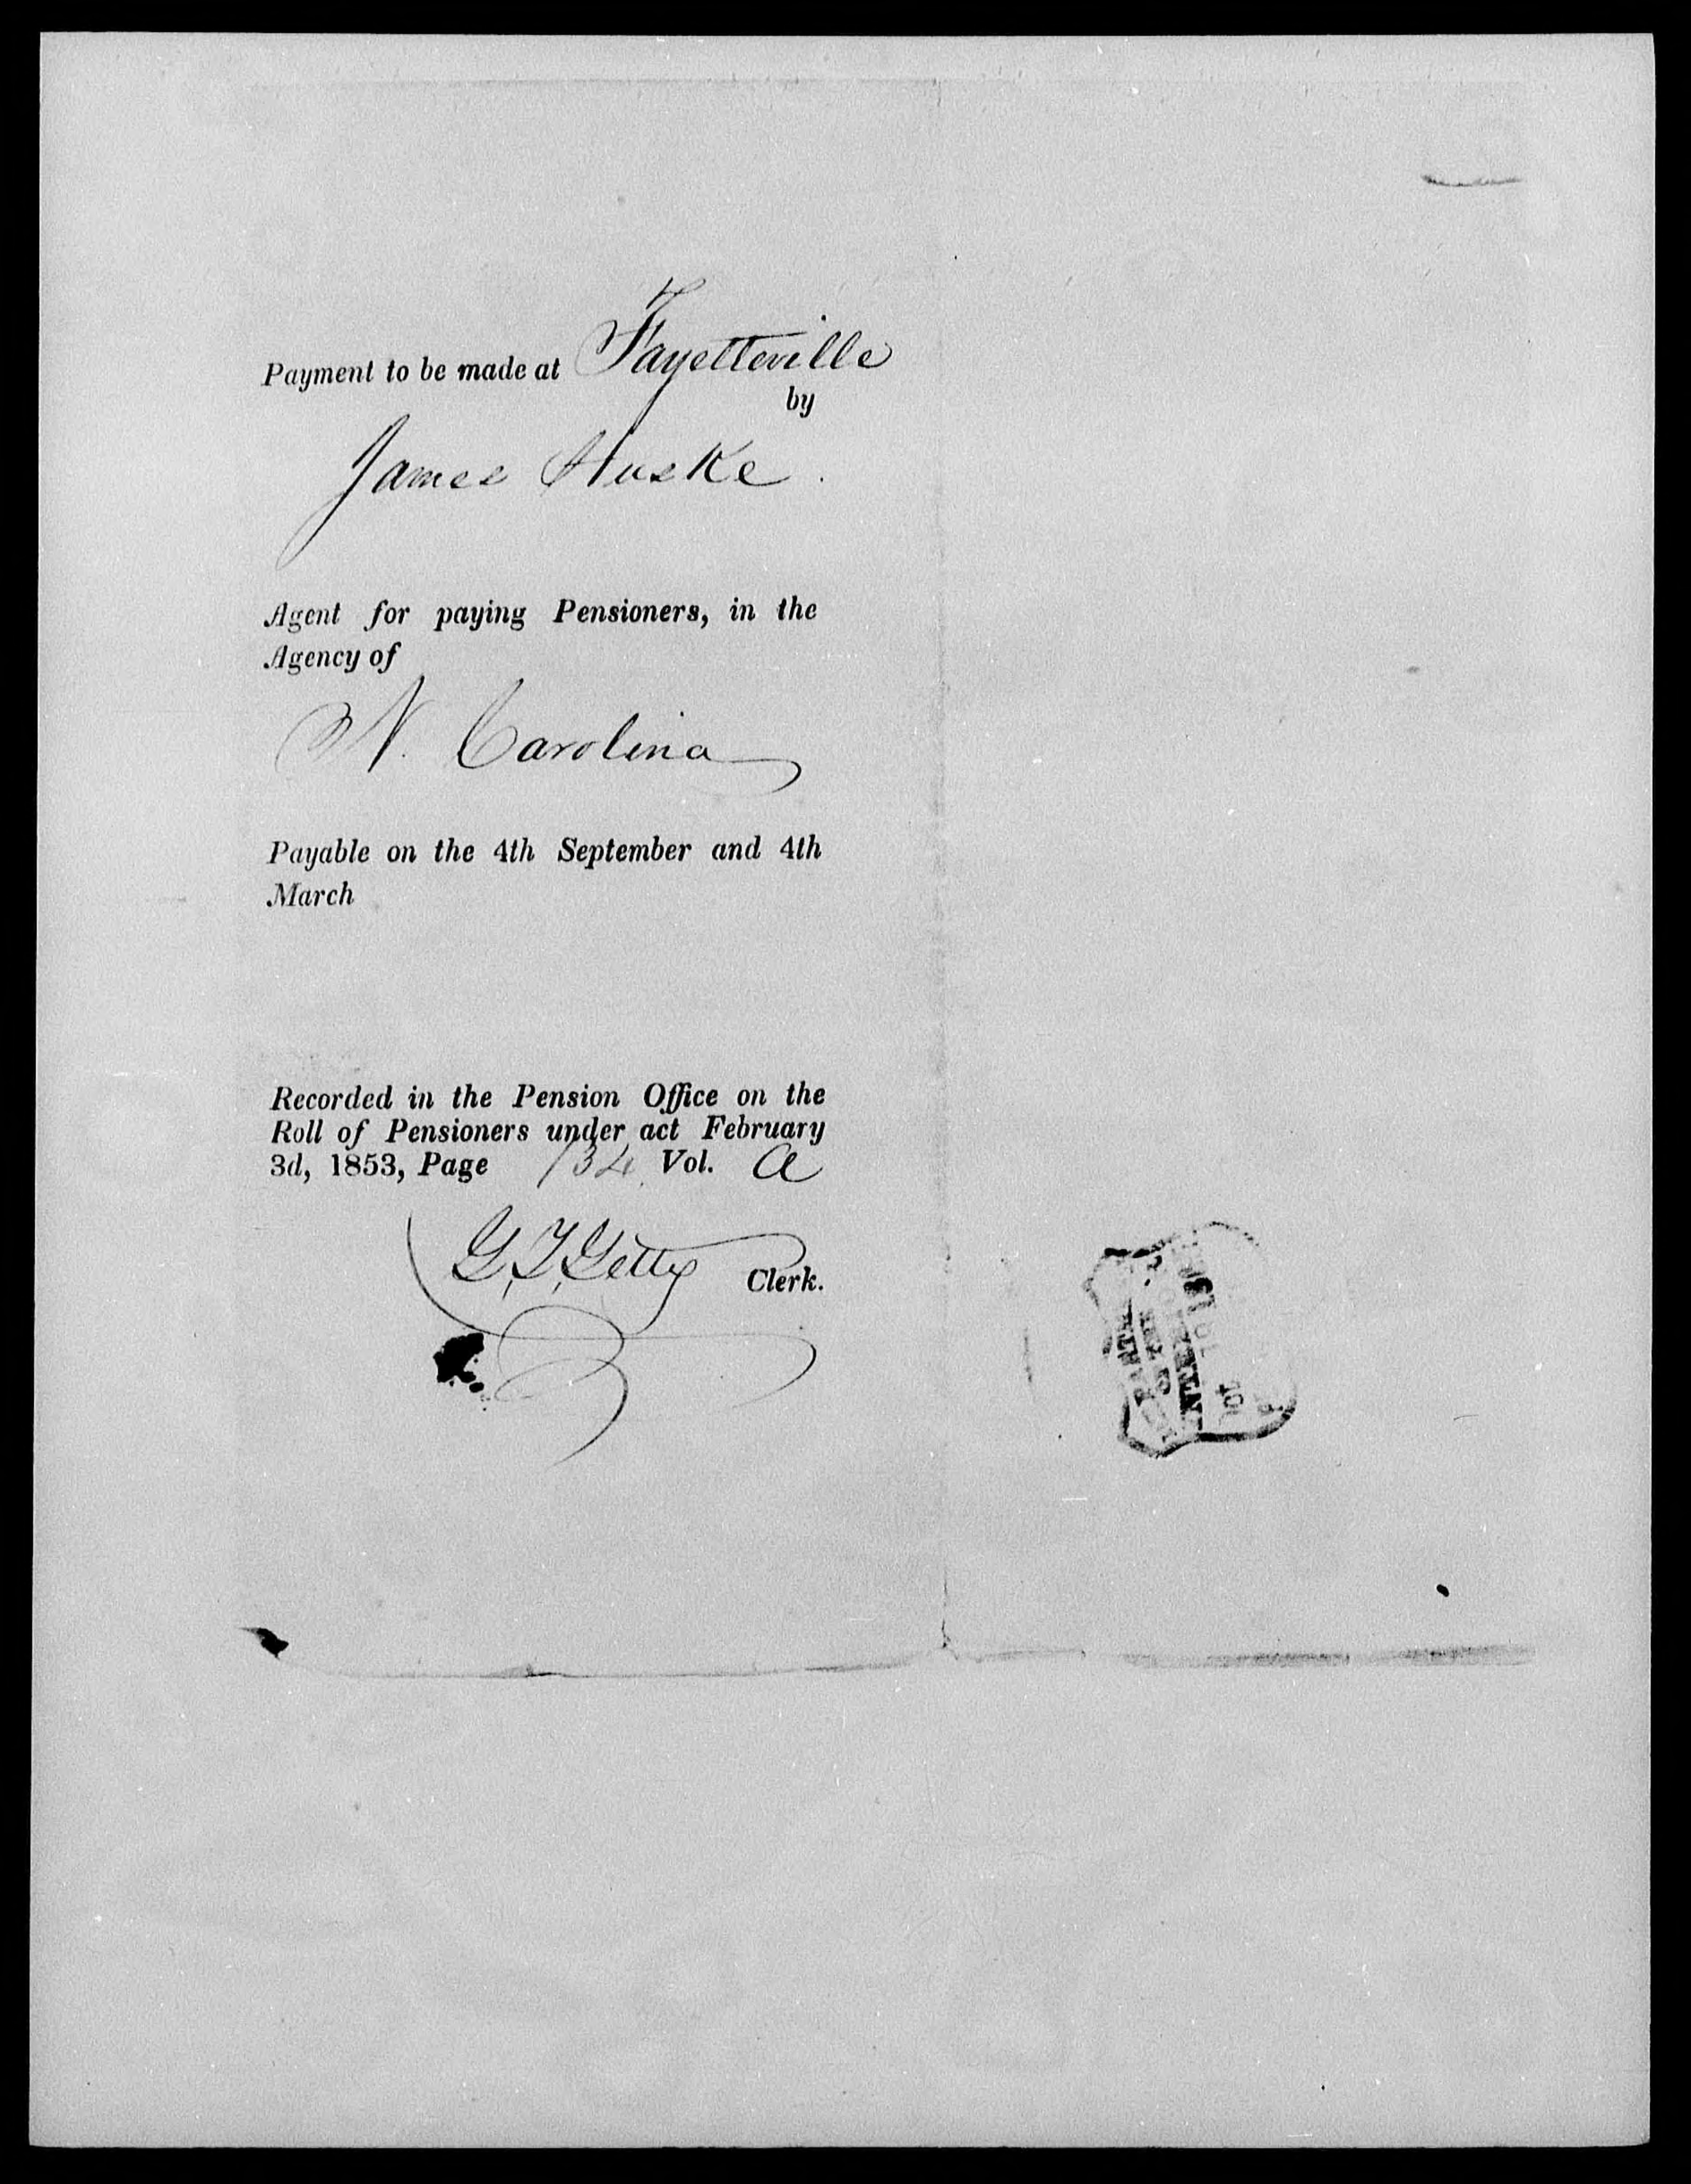Payment to be made at Fayetteville by James Huske agent for paying Pensioners, in the Agency of N. Carolina
Payable on the 4th September and 4th March
Recorded in the Pension Office on the Roll of Pensioners under act February 3d, 1853 Page 134 Vol A
G.T. Getty Clerk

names: James Huske, G T Getty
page: 52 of 81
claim: widow's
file: W. 7262, Robert Ferguson, Va.